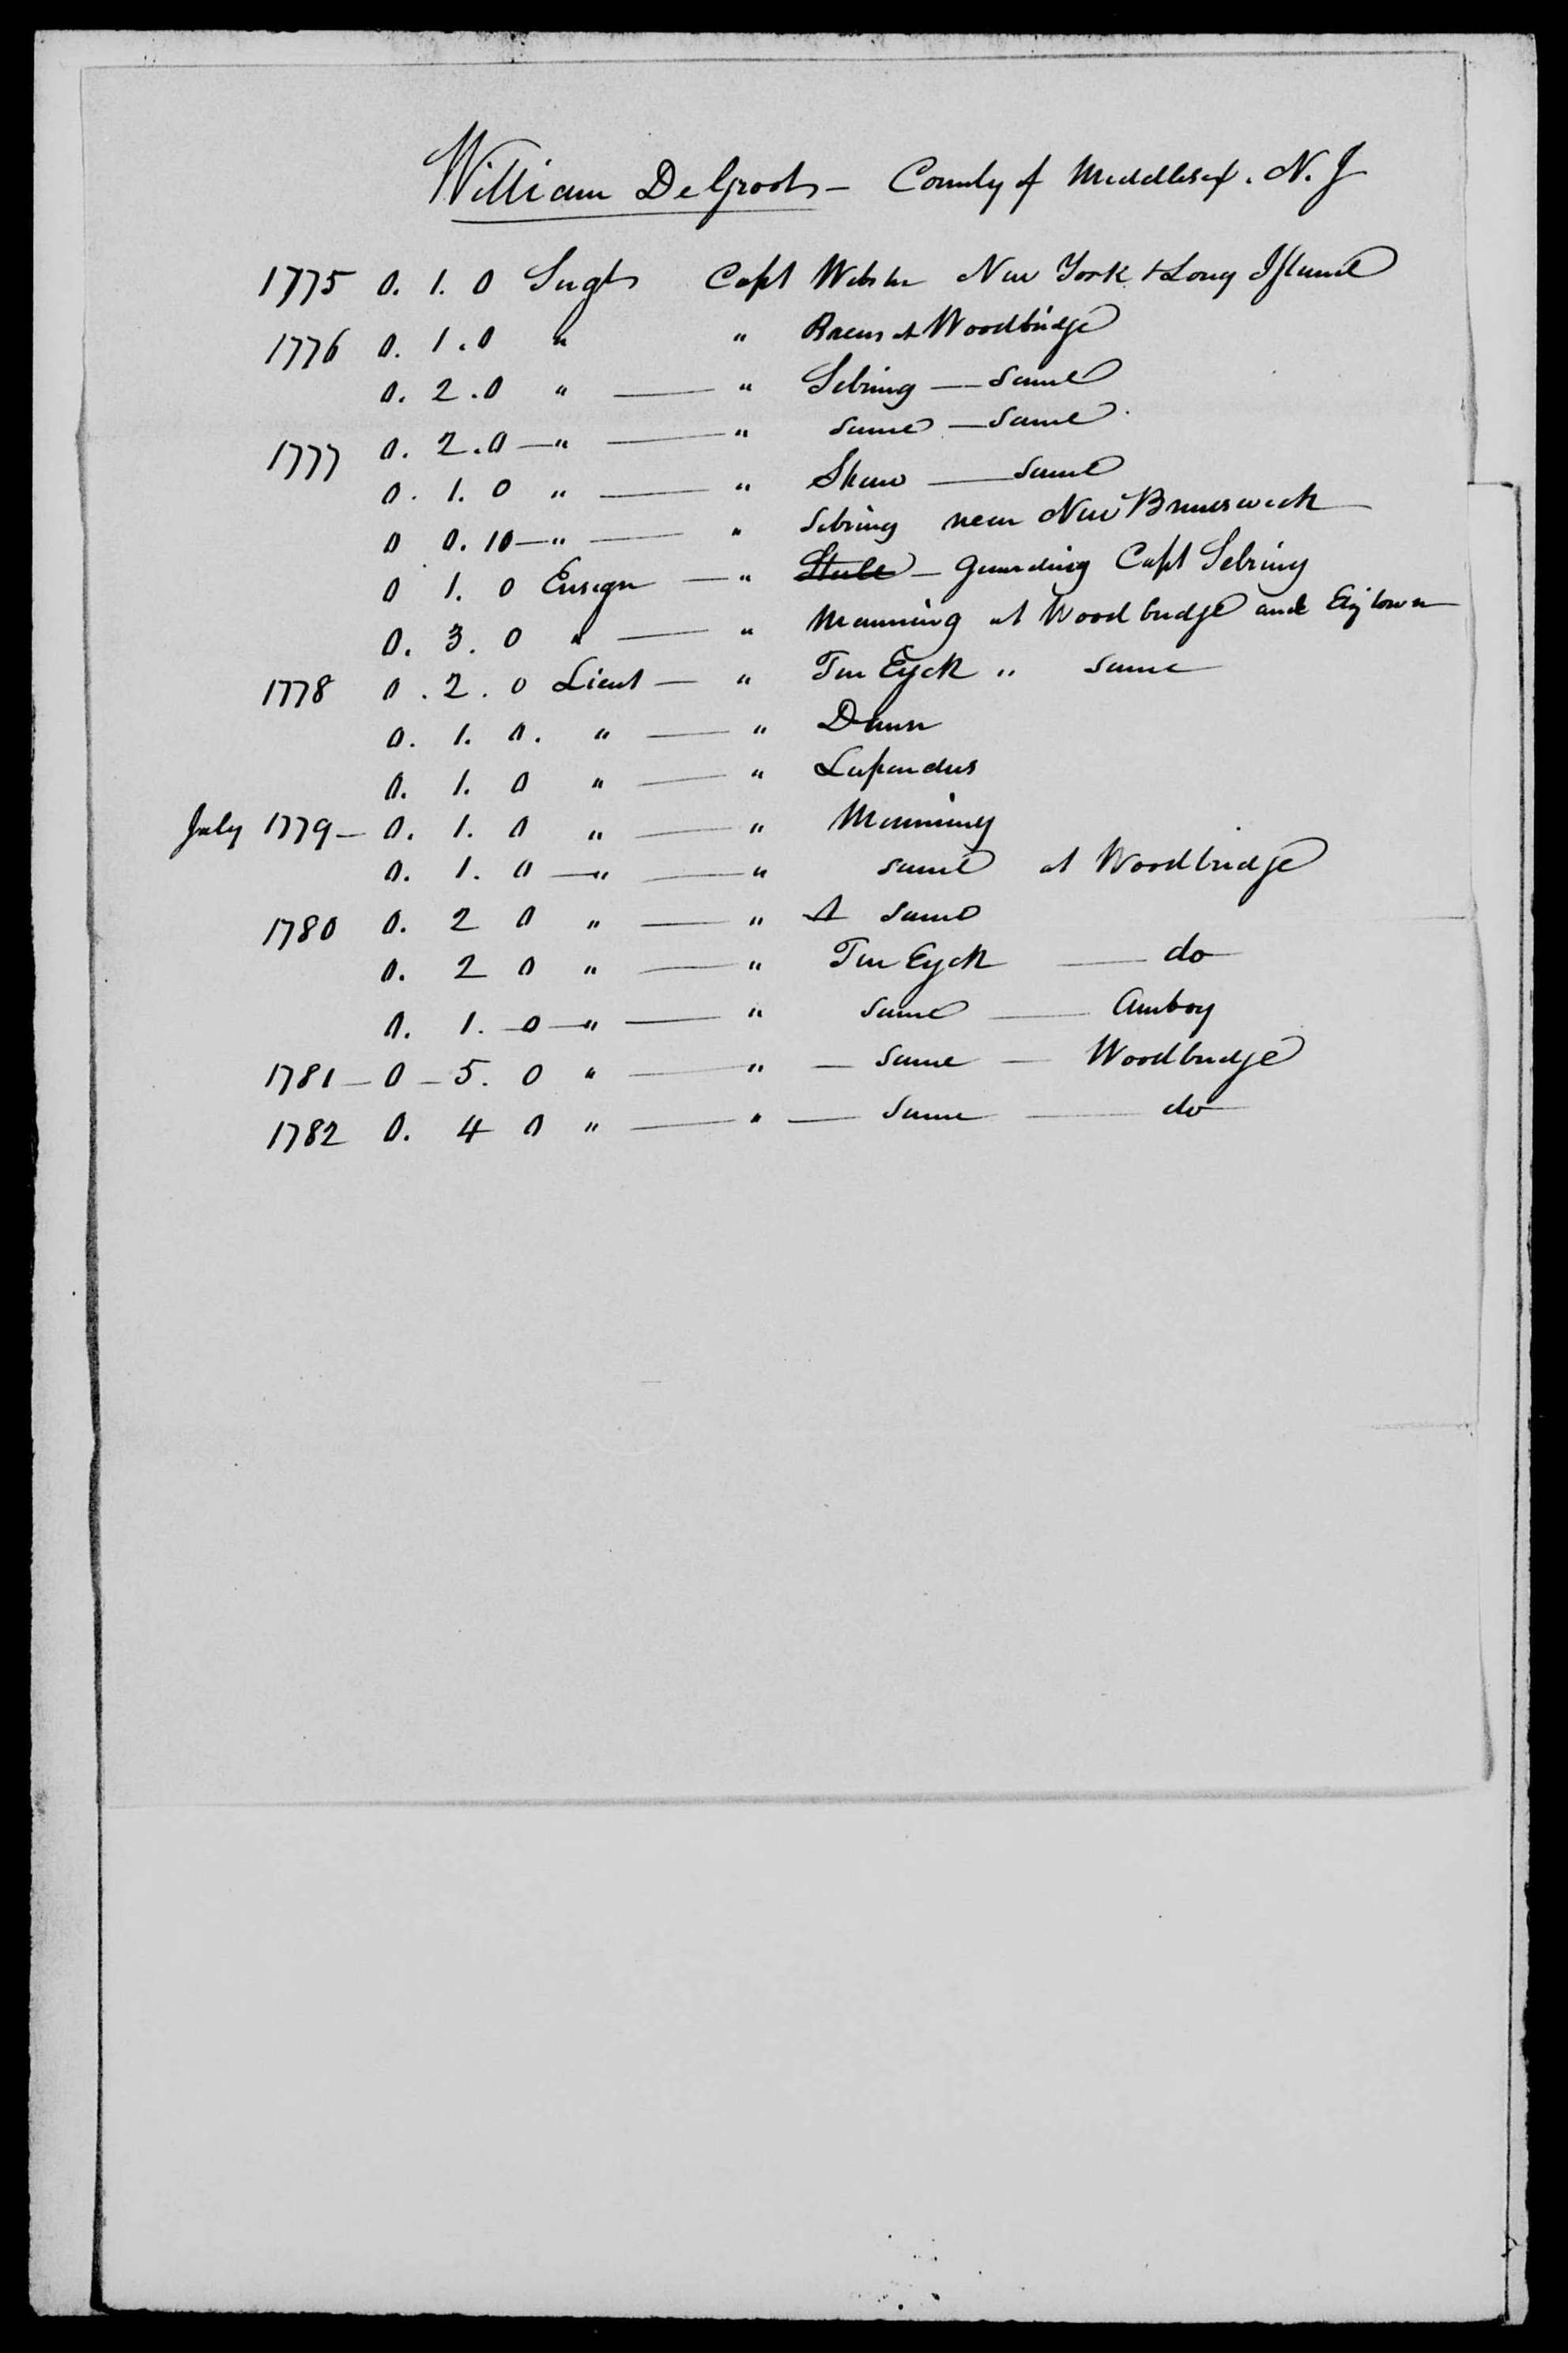William De Groot-County of Middlesex N.J

1775 0.1.0 Sgth Capt Webster New York & Long Island

1776 0.1.0     "        "   Bacus at Woodbridge
          0.2.0    "        "   Sebring ----- same

1777 0.2.0     "        "   same ------- same
         0.1.0      "        "   Shaw ------ same
         0.0.10      "         "  Sebring near New  
                                                Brunswick
         0.1.0  Ensign      "  ['Stule' crossed out] 
                          guarding Capt Sebring
         0.3.0    "             "  Manning at Woodbridge 
                                             and Eliztown
1778 0.2.0 Lieut-       "  Ten Eyck "  same
         0.1.0.     "            "  Dunn
         0.1.0.     "            "  Lupardus

July 1779- 0.1.0  "      "  Manning
                   0.1.0.  "      "  same at Woodbridge

        1780   0.2.0 " -    " Same
                    0.2.0 "      " Ten Eyck --- do
                    0.1.0  "      " Same --- Amboy

        1781 -0-5.0  "       " same--- Woodbridge

        1782  0. 4 0  "       " same ---- do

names: Sebring, Woodbridge, Manning, Sebring, Ten Eyck, Webster, Manning, Ten Eyck, Sebring, Lupardus, Stule, Dunn, Shaw, William De Groot, Bacus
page: 53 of 77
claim: widow's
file: W. 417, William De Groot, New Jersey